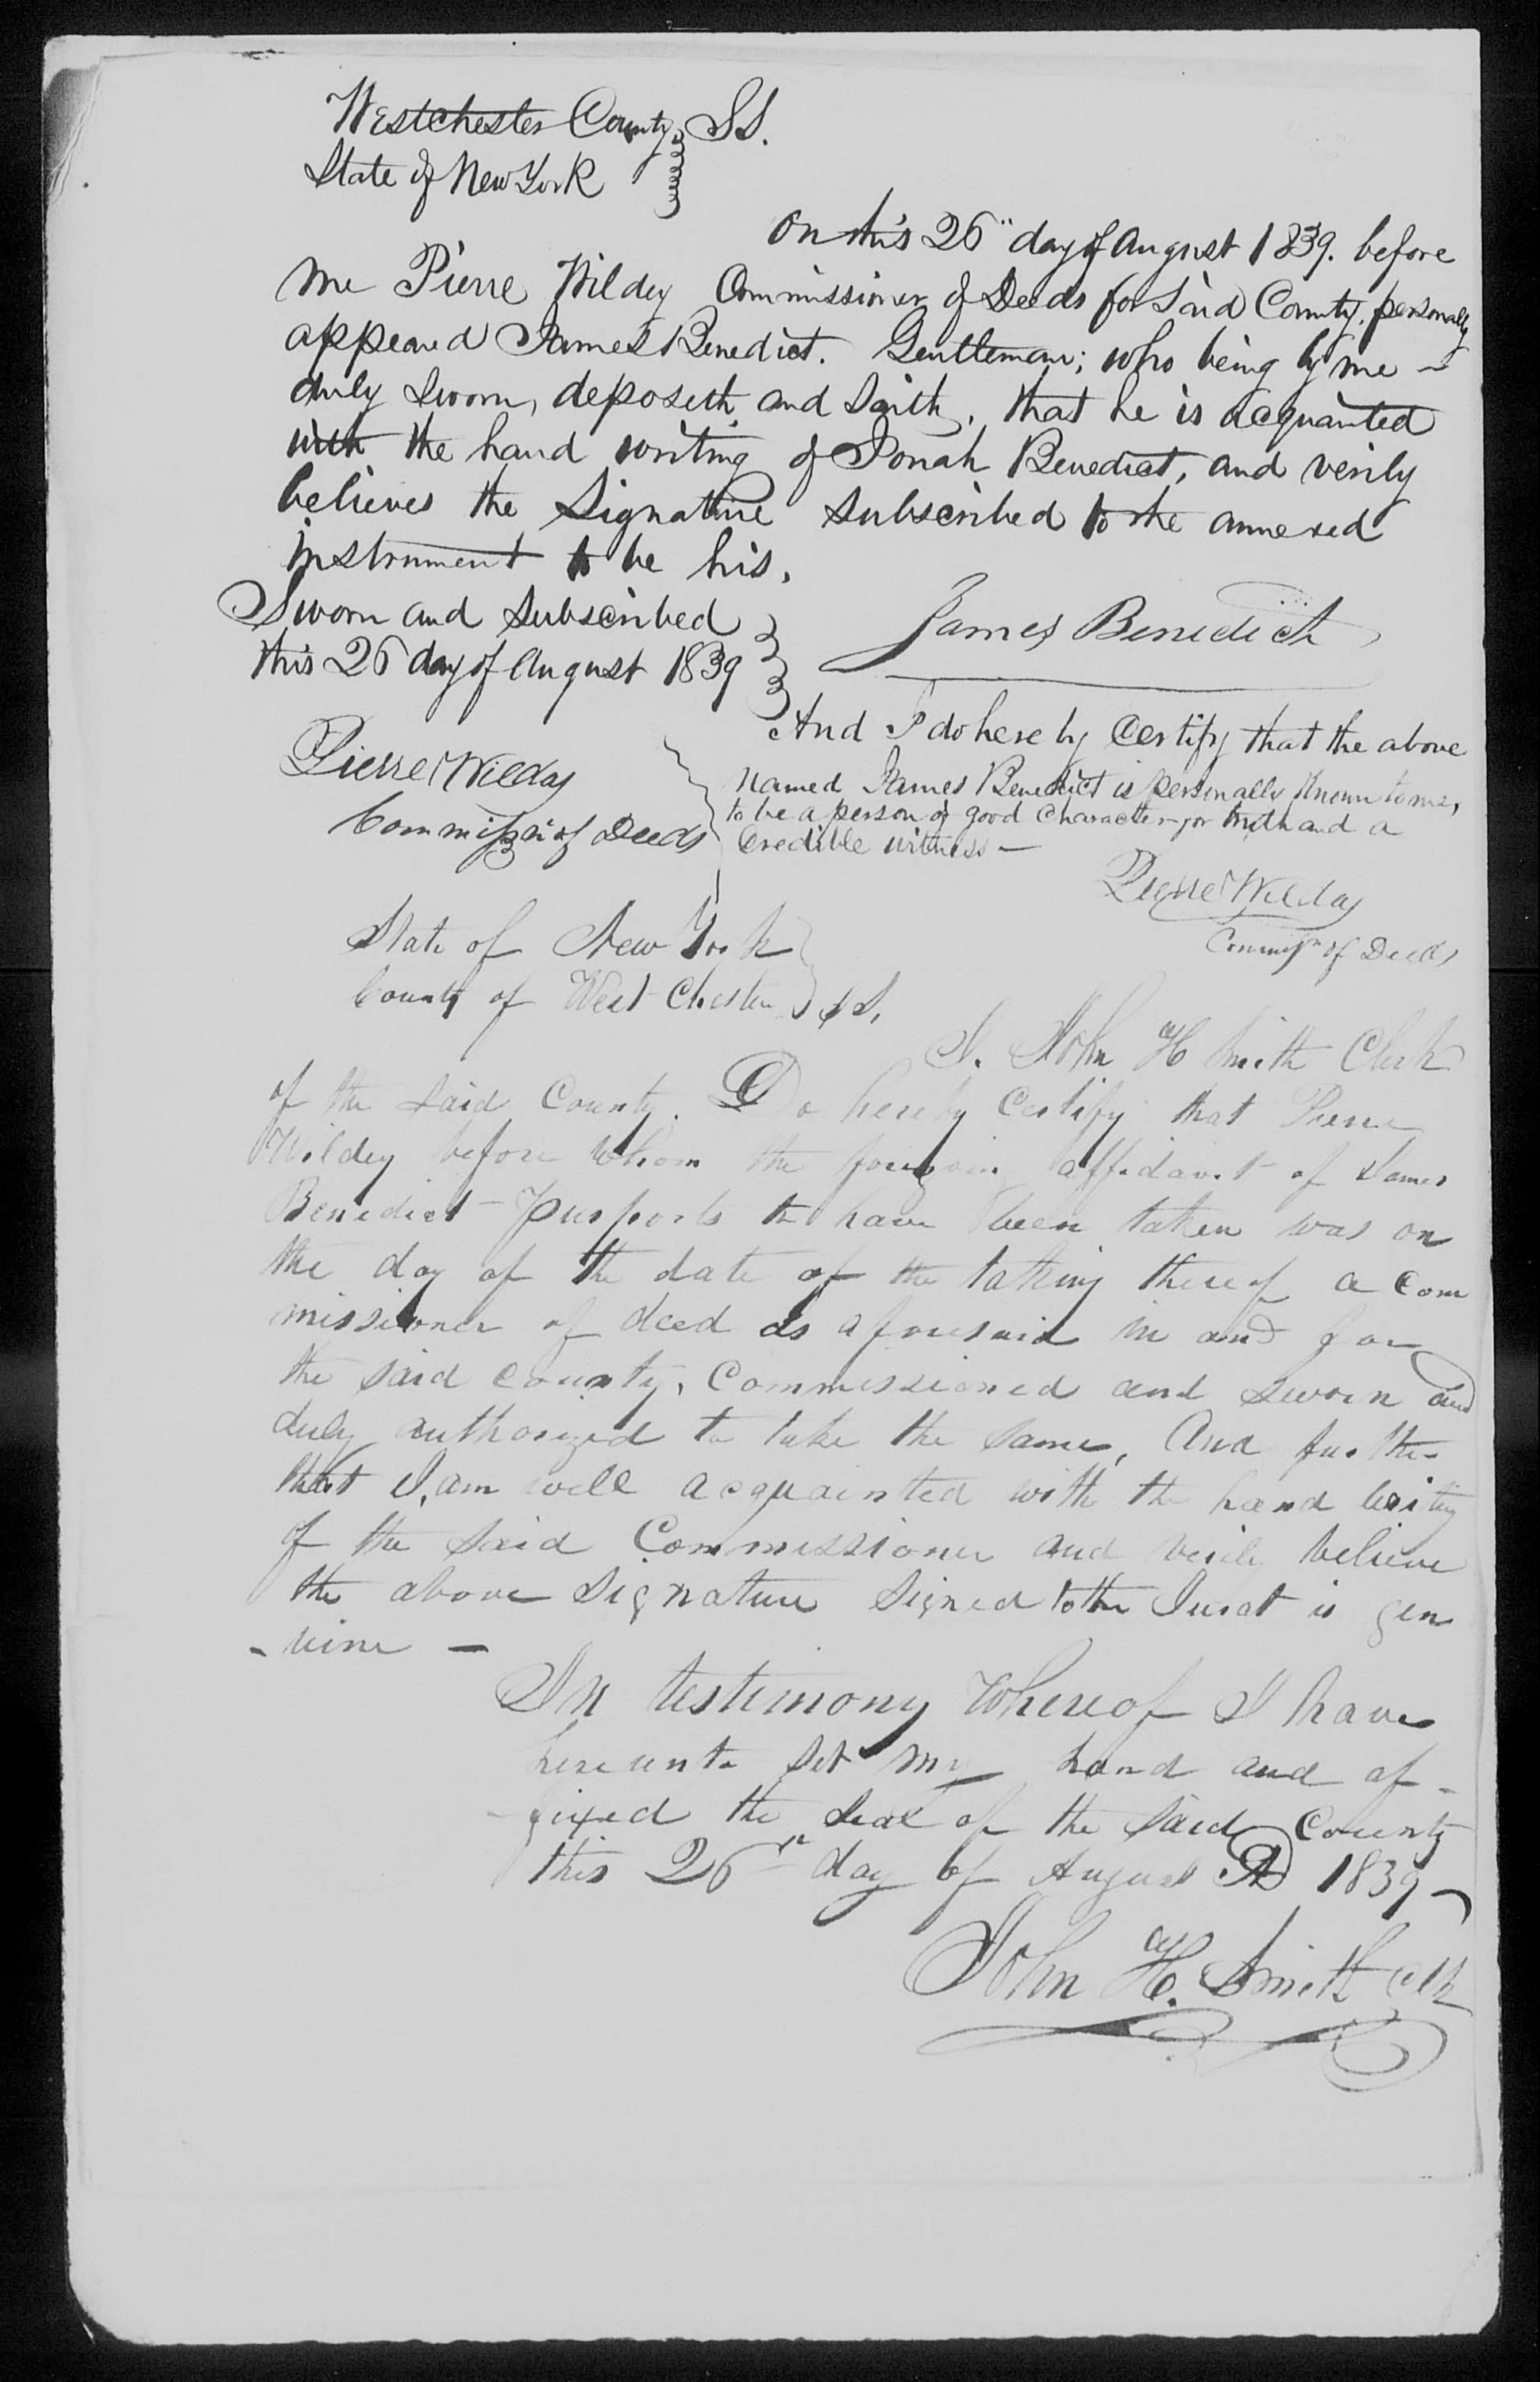Westchester County} SS.
State of New York   }
                           On this 26 day of August 1839 before
me Pierre Wilday Commissioner of Deeds for said County, personally
appeared James Benedict Gentleman, who being by me
duly sworn deposeth and saith, that he is acquainted
with the hand writing of Jonah Benedict, and verily
believes the signature Subscribed to the annexed
instrument to be his,
Sworn and subscribed
this 25 day of August 1839 J                      James Benedict

                                             And I do here by Certify that the above
Pierre Wilday                      named James Benedict is personally known to me,
Commiss of Deeds               to be a person of good character for truth and a
                                             credible witness
                                                                  Pierre Wilday          
                                                                        Comm of Deeds
State of New York
County of West Chester SS.
inist of Deeds
                                          I John H Smith Clerk
of the said County. Do hereby certify that Pierre
Wilday before whom the foregoing affidavit of James
Benedict purports to have been taken was on
the day of the date of the taking thereof a com-
missioner of deeds as aforesaid in and for
the said County, commissioned and sworn and
duly authorized to take the same, and further
that I am well acquainted with the hand writing
of the said Commissioner and verily believe
the above signature signed to the Jurat is gen-
uine-
                In testimony whereof I have
hereunto set my hand and af-
fixed the Seal of the said County
this 26th day of August AD 1839
                                   John H. Smith Clk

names: Pierre Wilday, Jonah Benedict, James Benedict, John H Smith, James Benedict, James Benedict, Pierre Wilday, James Benedict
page: 56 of 56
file: [ILLEGIBLE], Jonah Benedict, Conn.